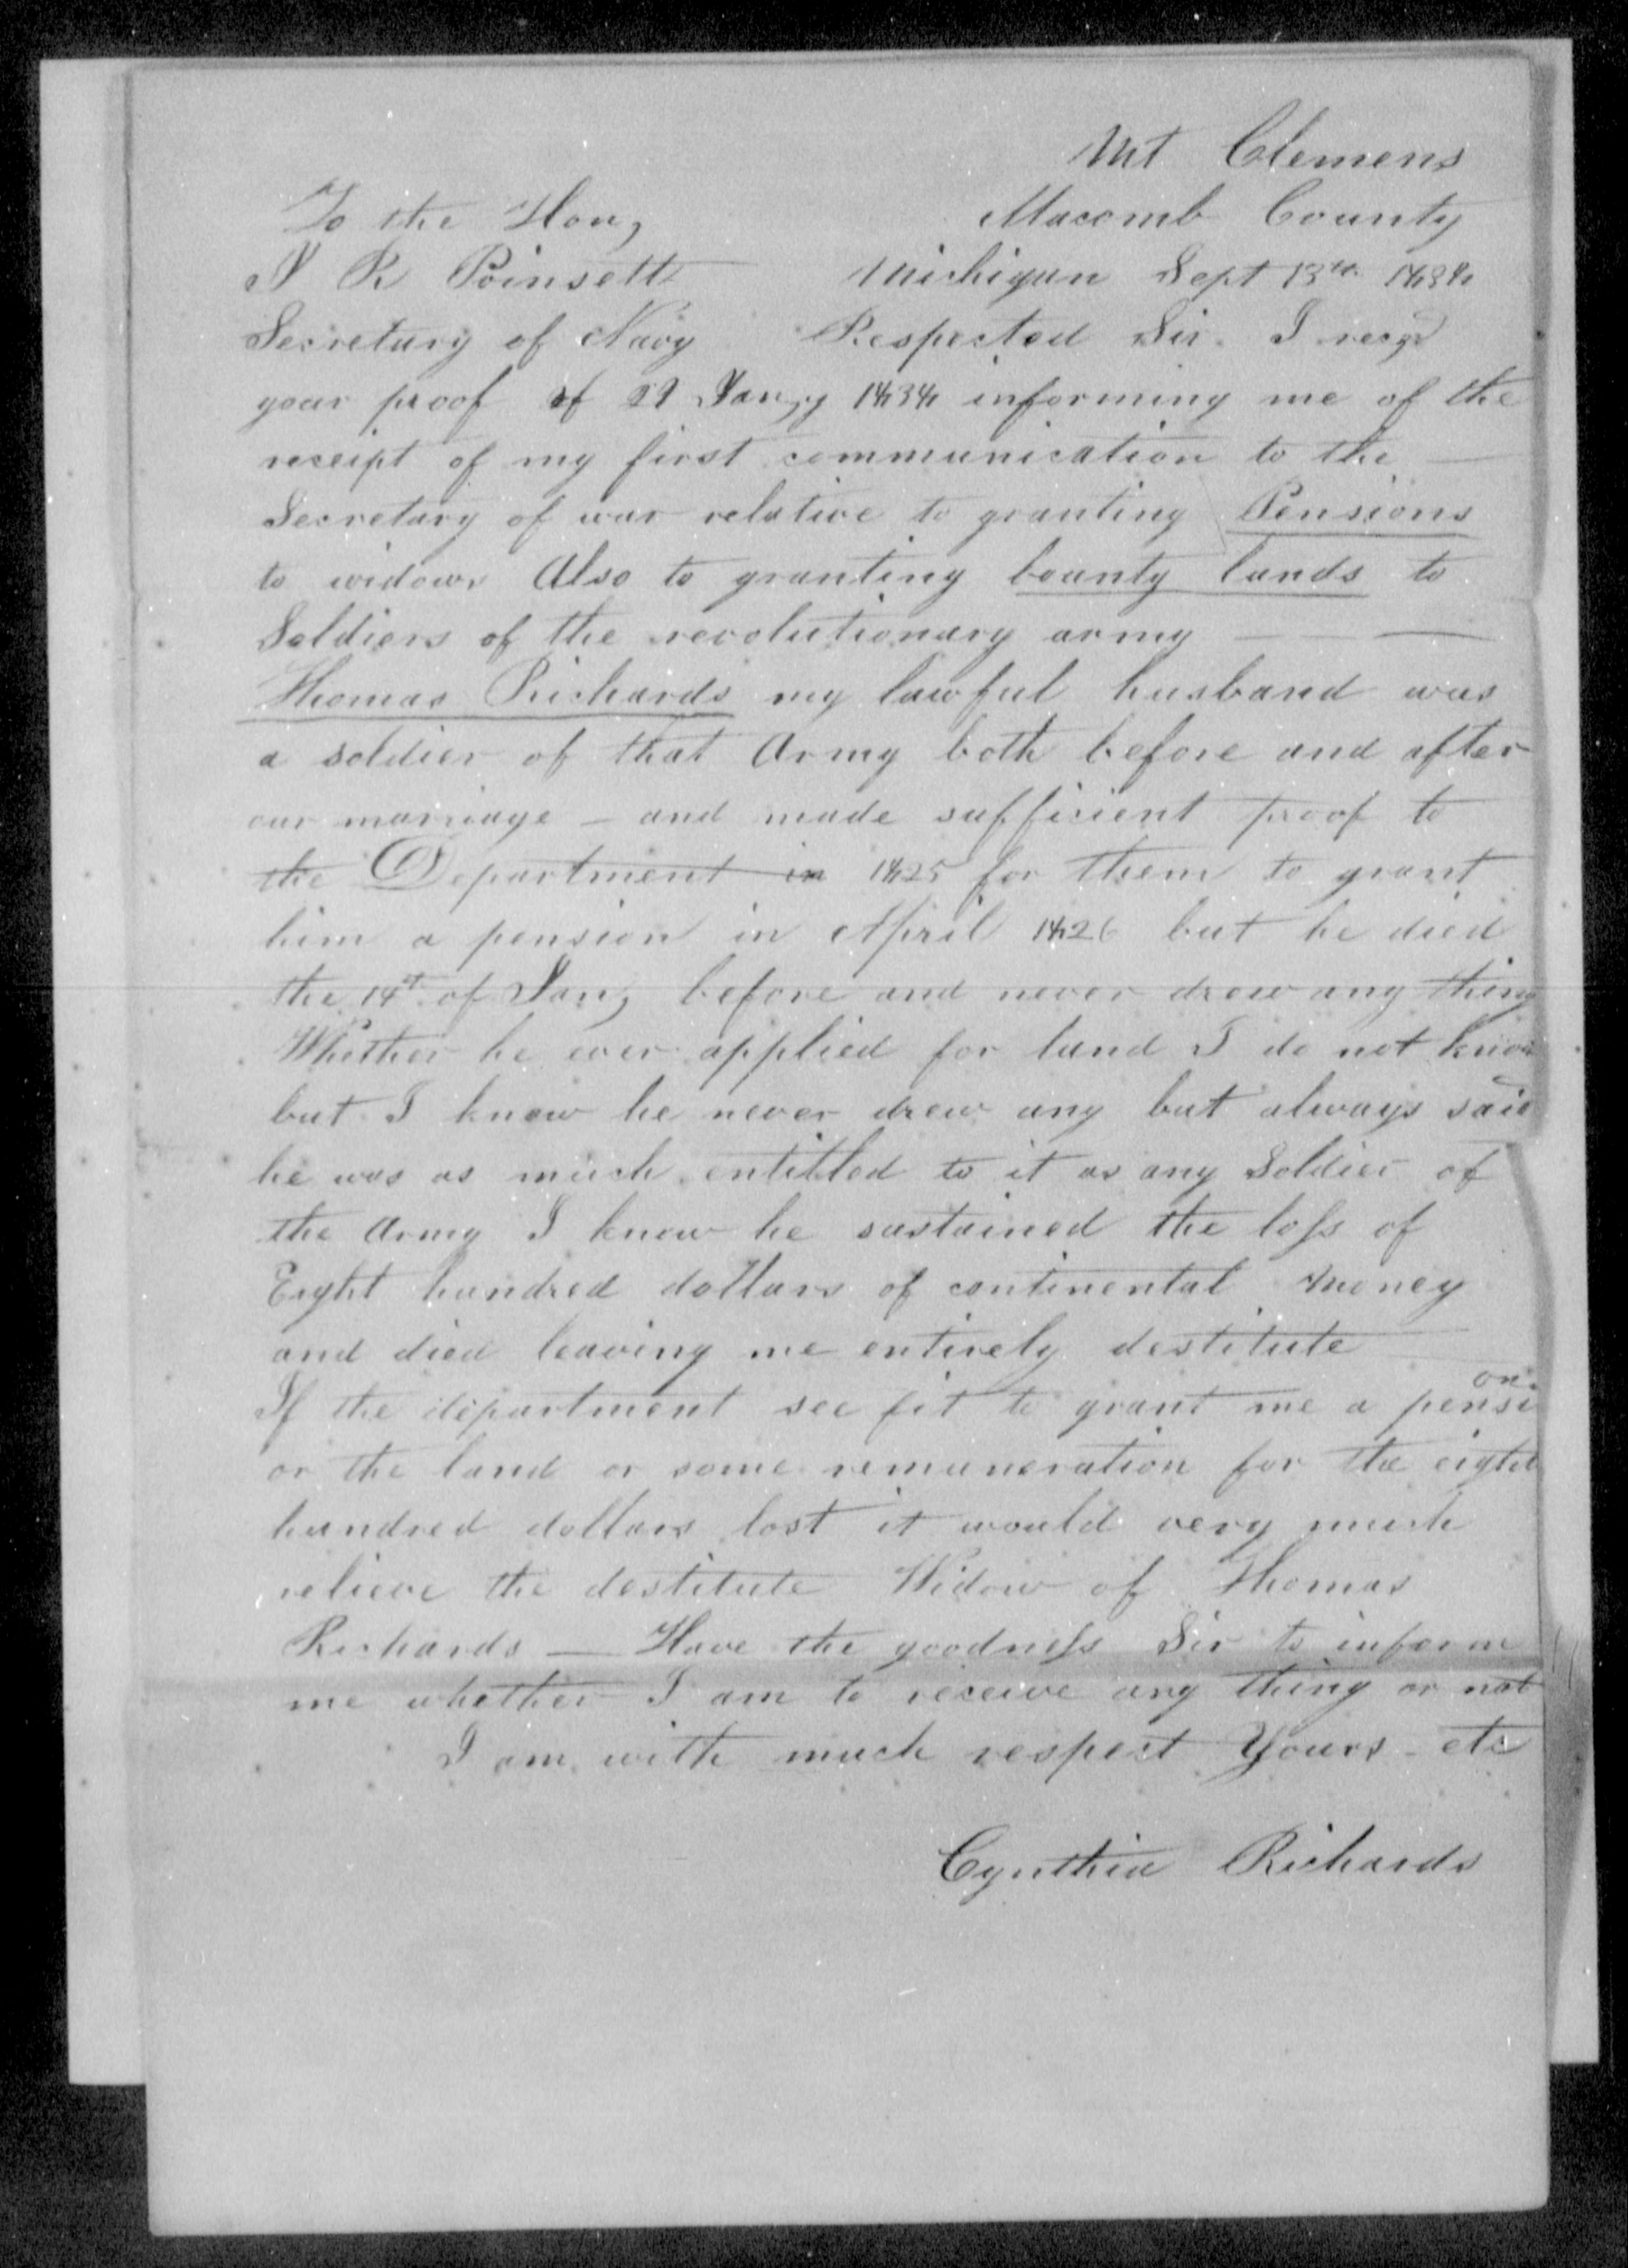Mt Clemens
Macomb County
Michigan Sept 13th 1838

To the Hon [HONORABLE], J R. Poinsett 
Secretary of Navy 
Respected Sir I recd [RECEIVED] your proof of 21 Jany [JANUARY] 1834 informing me of the receipt of my first communication to the
Secretary of war relative to granting Pensions
to widows also to granting Bounty lands to
Soldiers of the revolutionary army--
Thomas Richards my lawful husband was a
soldier of that army both before and after
our marriage and made sufficient proof to
the Department in 1825 for them to grant
him a pension in April 1826 but he died
the 18th of Jany before and never drew any thing [sic] Whether he ever applied for land I do not know but I know he never drew any but always said he was as much entitled to it as any soldier of the Army I know he sustained the loss of Eight hundred dollars of continental money and died leaving me entirely destitute If the department see fit to grant me a pension or the land or some remuneration for the eight hundred dollars lost it would very much relieve the destitute Widow of Thomas Richards - Have the goodness Sir to inform me whether I am to receive any thing or not I am with much respect Yours etc
Cynthia Richards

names: Cynthia Richards; Thomas Richards; Thomas Richards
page: 50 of 109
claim: widow's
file: W. 5709, for Thomas Richards, New Hampshire